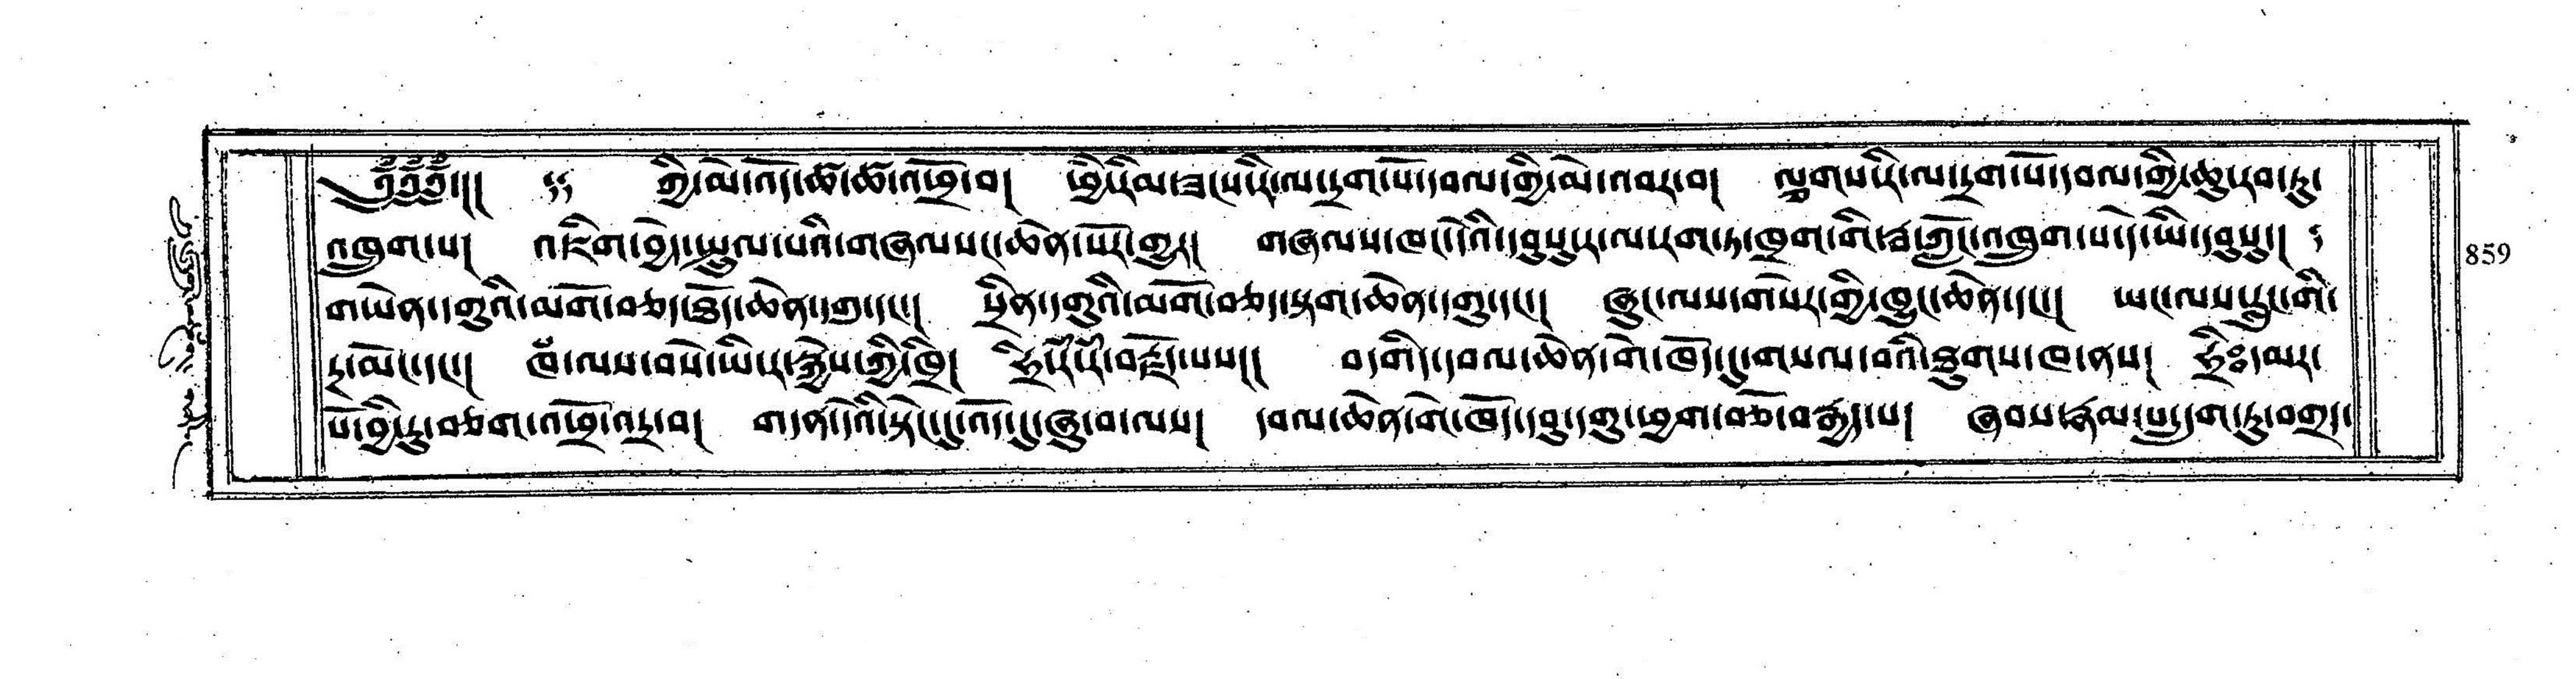ཀྱི་མེ་འོད་ཚ་ཚ་འཕྲོ་བ། ཕྱི་རིམ་ཟངས་རི་ལ་དྲག་པོ་དབལ་གྱི་མེ་འབར་བ། ལྕགས་རི་ལ་དྲག་པོ་དབལ་གྱི་ཆུ་རབ་ཏུ་
འཁྲུག་པ། འཇིགས་བྱེད་སྤྲུལ་པའི་གཞལ་ཡས་ཁང་ཆེན་པོར་གྱུར། གཞལ་ཡས་ཁང་དེའི་དབུས་སུ་ར་ལ་རག་ཏ་ཁྲག་གི་རྦ་ཀློང་འཁྲུག་པ་དེ་ཡི་དབུས་སུ། 
གཡེན་དགུའི་མགོ་བཅད་ཐོད་ཆེན་དགུ་དང་། སྲིན་དགུའི་མགོ་བཅད་སྟག་ཆེན་དགུ་དང་། ཞུང་ལས་གསེར་གྱི་ཁྱུང་ཆེན་དང་། ཡང་ལས་རླུང་གི་
རྔ་མོང་དང་། ཁཾ་ལས་བསེ་ཡི་ར་སྐྱེས་ཀྱི་ཁྲི། ཧྲི་རཾ་རཾ་བརྗོད་པས།། བདག་ཉིད་དབལ་ཆེན་གེ་ཁོད་དུ་གསལ་བའི་ཐུགས་ཁ་ནས། ཧྲིཿདམར་
པོ་བྱི་རུ་བཅག་འཕྲོ་འདྲ་བ། གདན་དེའི་སྟེང་དུ་འོད་དུ་ཞུ་བ་ལས། དབལ་ཆེན་གེ་ཁོད་དབུ་དགུ་ཕྱག་བཅོ་བརྒྱད་པ། ཞབས་རྣམ་པ་དྲུག་ཏུ་བགྲད་